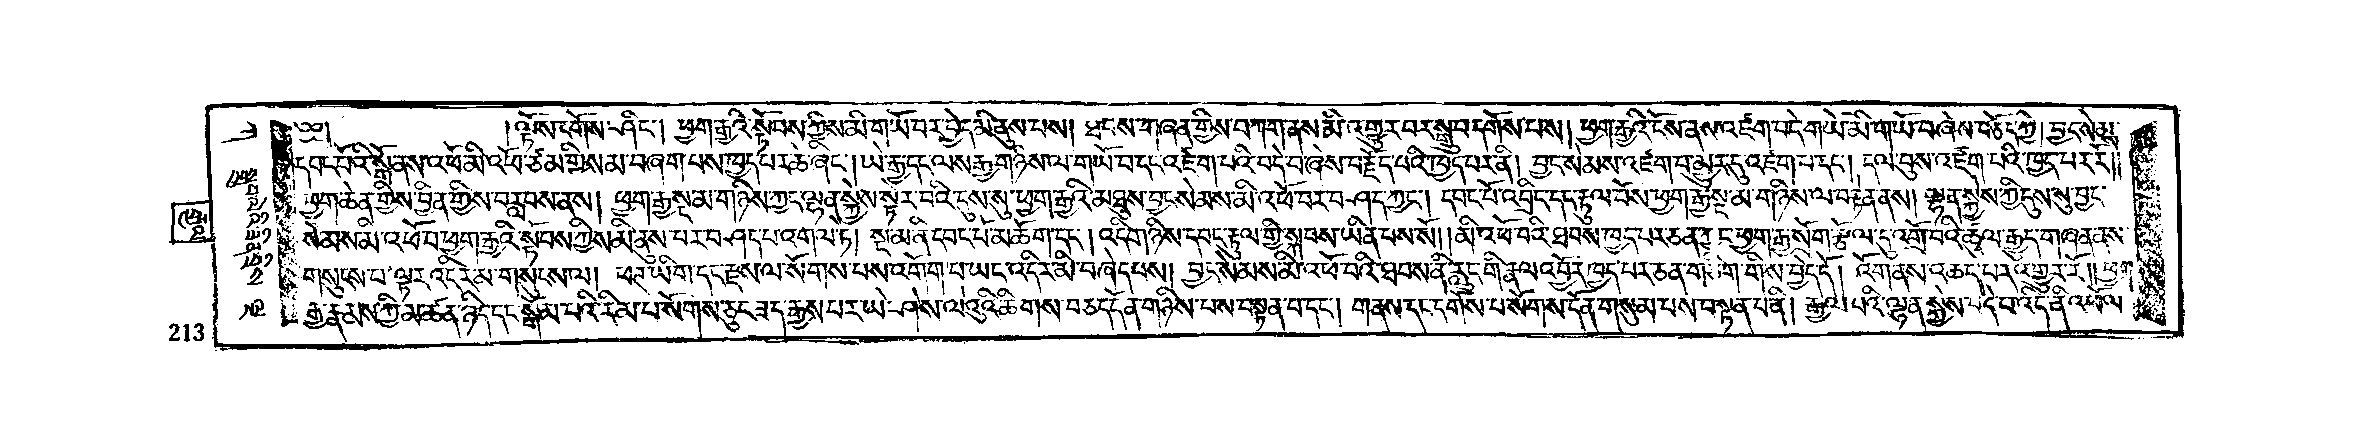༄༅། །ལྟོས་དགོས་ཤིང་། ཕྱག་རྒྱའི་སྟོབས་ཀྱིས་མི་གཡོ་བར་བྱེད་མི་ནུས་པས། ཐབས་གཞན་གྱིས་བཀག་ནས་མི་འགྱུར་བར་སྒྲུབ་དགོས་པས། ཕྱག་རྒྱའི་ངོས་ནས་འཛག་བདེ་གཡོ་མི་གཡོ་བ་ཞེས་བཅོད་ཀྱི། བྱང་སེམས་
དབང་པོའི་སྒོ་ནས་འཕོ་མི་འཕོ་ཙམ་གྱིས་མ་བཞག་པས་ཁྱད་པར་ཆེ་ཞིང་། ཡེ་རྒྱ་དང་ལས་རྒྱ་གཉིས་ལ་གཡོ་བ་དང་འཛག་པའི་བདེ་བ་ཞེས་བརྗོད་པའི་ཁྱད་པར་ནི། བྱང་སེམས་འཛག་པ་མྱུར་དུ་འཛག་པ་དང་། དལ་བུས་འཛག་པའི་ཁྱད་པར་རོ། །
ཕྱག་ཆེན་གྱིས་བྱིན་གྱིས་བརླབས་ནས། ཕྱག་རྒྱ་སྔ་མ་གཉིས་ཀྱང་ལྷན་སྐྱེས་སྟེར་བའི་དུས་སུ་ཕྱག་རྒྱའི་མཐུས་བྱང་སེམས་མི་འཕོ་བཔ་བཤད་ཀྱང་། དབང་པོ་འབྲིང་དང་རྟུལ་པོ་ཕྱག་རྒྱ་སྔ་མ་གཉིས་ལ་བརྟེན་ནས། ལྷན་སྐྱེས་ཀྱི་དུས་སུ་བྱང་
སེམས་མི་འཕོ་བ་ཕྱག་རྒྱའི་སྟོབས་ཀྱིས་མི་ནུས་པར་བཤད་པ་འགལ་ཏེ། སྔ་མ་ནི་དབང་པོ་མཆོག་དང་། འདི་གཉིས་དབང་རྟུལ་གྱི་སྐབས་ཡིན་པས་སོ། །མི་འཕོ་བའི་ཐབས་ཁྱད་པར་ཅན་ཀྱང་ཕྱག་རྒྱ་སྲོག་རྩོལ་དུ་འགྲོ་བའི་ཚུལ་རྒྱུད་གཞན་ནས་
གསུངས་པ་ལྟར་འདིར་མ་གསུངས་ལ། ཕགས་ཡིག་དང་རྫས་ལ་སོགས་པས་འགོག་པ་ཡང་འདིར་མི་བཞེད་པས། བྱང་སེམས་མི་འཕོ་བའི་ཐབས་ནི་རླུང་གི་རྣལ་འབྱོར་ཁྱད་པར་ཅན་གཅིག་གིས་བྱེད་དོ། འོག་ནས་འཆད་པར་འགྱུར་རོ། །ཕྱག་
རྒྱ་རྣམས་ཀྱི་མཚན་ཉིད་དང་སྒོམ་པའི་རིམ་པ་སོགས་ཅུང་ཟད་རྒྱས་པར་ཡེ་ཤེས་ལེའུའི་ཚིགས་བཅད་དོན་གཉིས་པས་བསྟན་པ་དང་། གནས་དང་དགོས་པ་སོགས་དོན་གསུམ་པས་བསྟན་པ་ནི། རྒྱལ་པའི་ལྷན་སྐྱེས་བདེ་བ་འདི་ནི་འཕོལ་